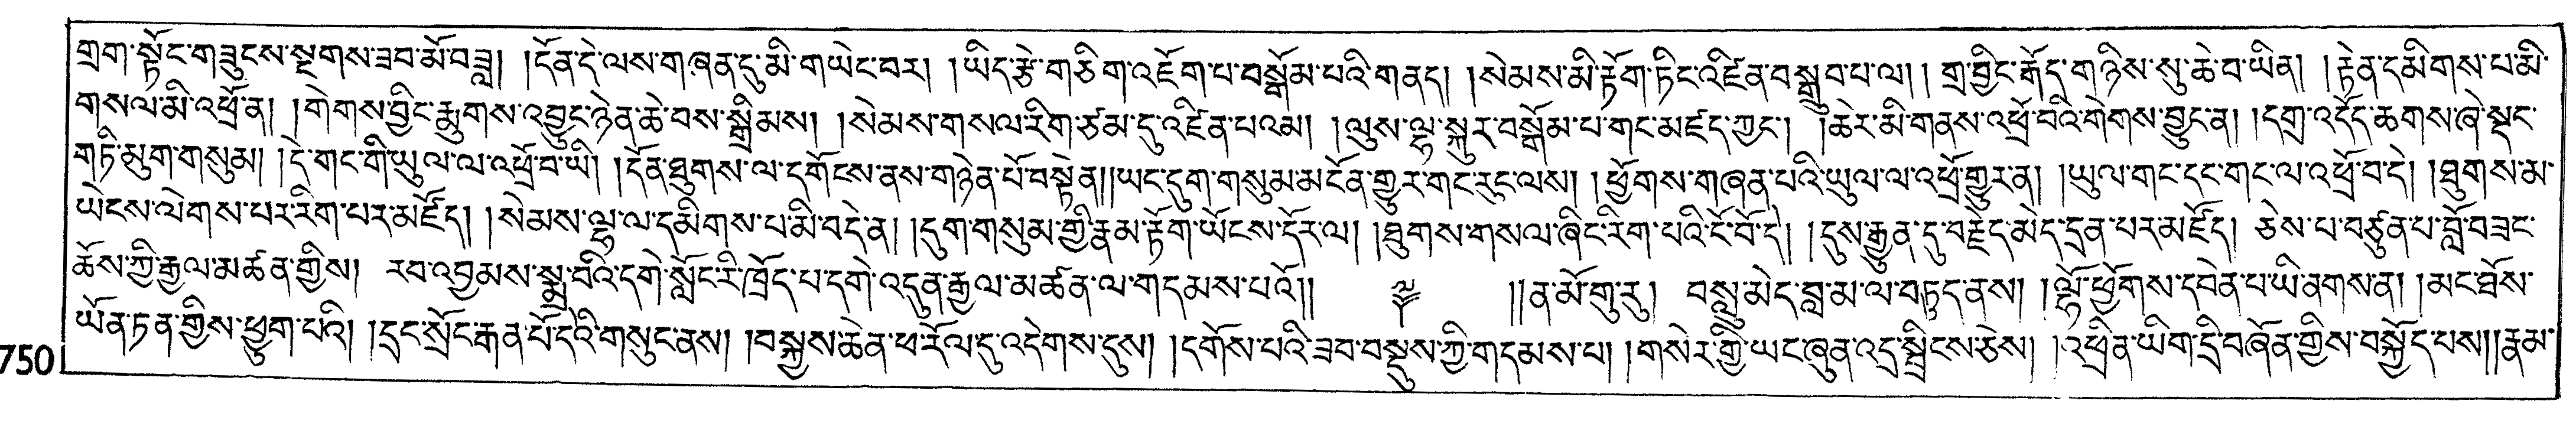གྲག་སྟོང་གཟུངས་སྔགས་ཟབ་མོ་བཟླ། །དོན་དེ་ལས་གཞན་དུ་མི་གཡེང་བར། །ཡིད་རྩེ་གཅིག་འཇོག་པ་བསྒོམ་པའི་གནད། །སེམས་མི་རྟོག་ཏིང་འཛིན་བསྒྲུབ་པ་ལ། །གྲ་བྱིང་རྒོད་གཉིས་སུ་ཆེ་བ་ཡིན། །རྟེན་དམིགས་པ་མི་
གསལ་མི་འཕྲོ་ན། །གེགས་བྱིང་རྨུགས་འབྱུང་ཉེན་ཆེ་བས་སྒྲིམས། །སེམས་གསལ་རིག་ཙམ་དུ་འཛིན་པའམ། །ལུས་ལྷ་སྐུར་བསྒོམ་པ་གང་མཛད་ཀྱང་། །ཆེར་མི་གནས་འཕྲོ་བའི་གེགས་བྱུང་ན། །དགྲ་འདོད་ཆགས་ཞེ་སྡང་
གཏི་མུག་གསུམ། །དེ་གང་གི་ཡུལ་ལ་འཕྲོ་བ་ཡི། །དོན་ཐུགས་ལ་དགོངས་ནས་གཉེན་པོ་བསྟེན། །ཡང་དུག་གསུམ་མངོན་གྱུར་གང་རུང་ལས། །ཕྱོགས་གཞན་པའི་ཡུལ་ལ་འཕྲོ་གྱུར་ན། །ཡུལ་གང་དང་གང་ལ་འཕྲོ་བ་དེ། །ཐུགས་མ་
ཡེངས་ལེགས་པར་རིག་པར་མཛོད། །སེམས་ལྷ་ལ་དམིགས་པ་མི་བདེ་ན། །དུག་གསུམ་གྱི་རྣམ་རྟོག་ཡོངས་དོར་ལ། །ཐུགས་གསལ་ཞིང་རིག་པའི་ངོ་བོ་དེ། །དུས་རྒྱུན་དུ་བརྗེད་མེད་དྲན་པར་མཛོད། ཅེས་པ་བཙུན་པ་བློ་བཟང་
ཆོས་ཀྱི་རྒྱལ་མཚན་གྱིས། རབ་འབྱམས་སྨྲ་བའི་དགེ་སློང་རི་ཁྲོད་པ་དགེ་འདུན་རྒྱལ་མཚན་ལ་གདམས་པའོ།། ༈ །།ན་མོ་གུ་རུ། བསླུ་མེད་བླ་མ་ལ་བཏུད་ནས། །ལྷོ་ཕྱོགས་དབེན་པ་ཡི་ནགས་ན། །མང་ཐོས་
ཡོན་ཏན་གྱིས་ཕྱུག་པའི། །དྲང་སྲོང་རྒན་པོ་དེའི་གསུང་ནས། །བསྐྱས་ཆེན་ཕ་རོལ་དུ་འདེགས་དུས། །དགོས་པའི་ཟབ་བསྡུས་ཀྱི་གདམས་པ། །གསེར་གྱི་ཡང་ཞུན་འདྲ་སྦྲིངས་ཅེས། །འཕྲིན་ཡིག་དྲི་བཞོན་གྱིས་བསྐྱོད་པས། །རྣམ་